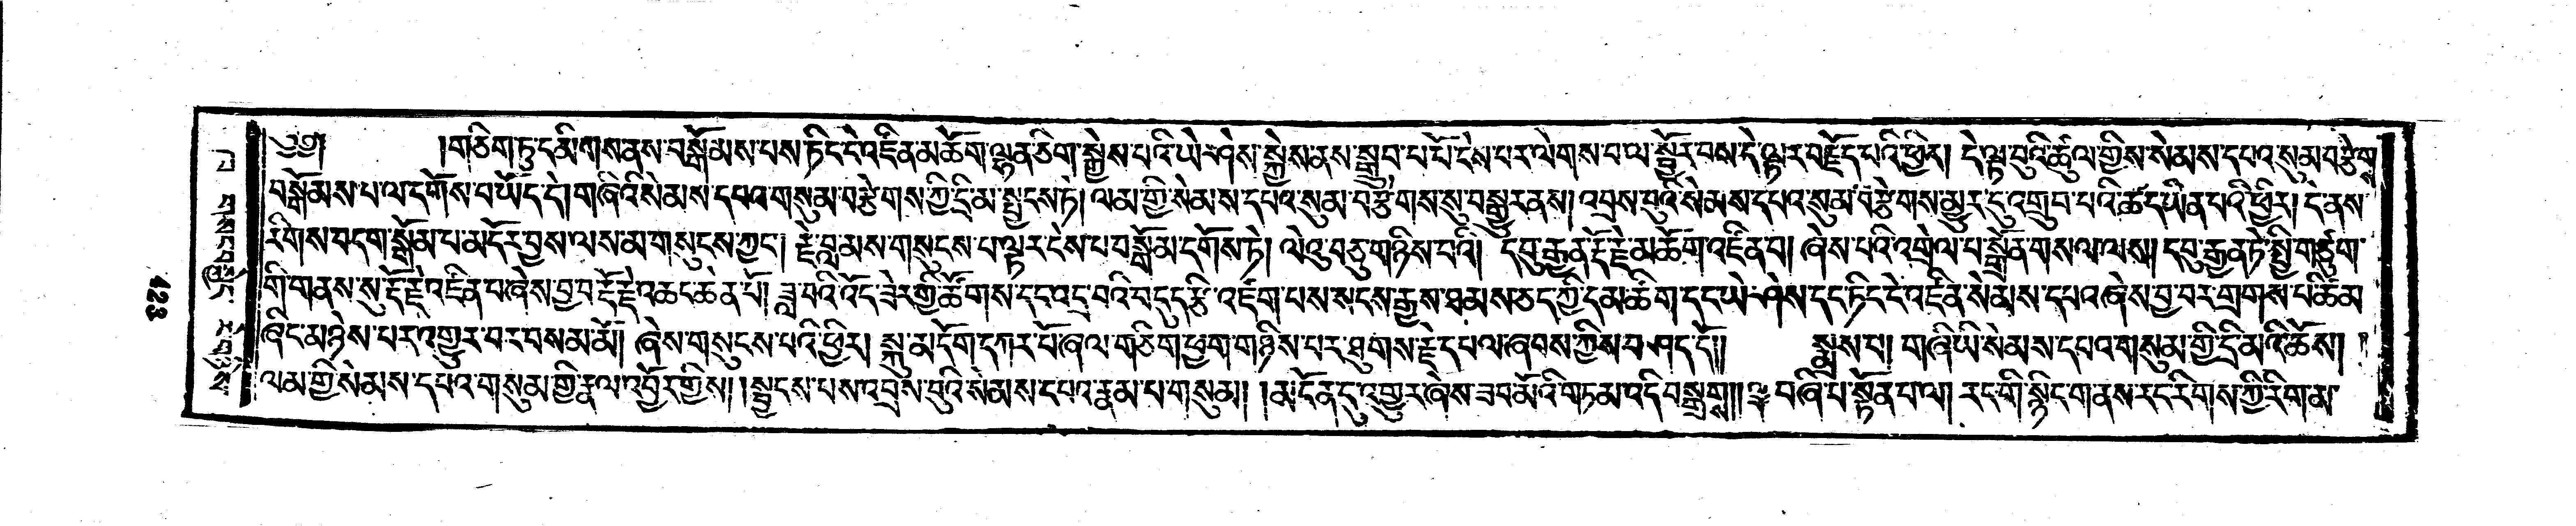༄༅། །གཅིག་ཏུ་དམིགས་ནས་བསྒོམས་པས་ཏིང་ངེ་འཛིན་མཆོག་ལྷན་ཅིག་སྐྱེས་པའི་ཡེ་ཤེས་སྐྱེས་ནས་སྒྲུབ་པ་པོ་ངེས་པར་ལེགས་པ་ལ་སྦྱོར་བས་དེ་ལྟར་བརྗོད་པའི་ཕྱིར། དེ་ལྟ་བུའི་ཚུལ་གྱིས་སེམས་དཔའ་སུམ་བརྩེགས་
བསྒོམས་པ་ལ་དགོས་པ་ཡོད་དེ། གཞིའི་སེམས་དཔའ་གསུམ་བརྩེགས་ཀྱི་དྲི་མ་སྦྱངས་ཏེ། ལམ་གྱི་སེམས་དཔའ་སུམ་བརྩེགས་སུ་བསྒྱུར་ནས། འབྲས་བུའི་སེམས་དཔའ་སུམ་བརྩེགས་མྱུར་དུ་འགྲུབ་པའི་ཆེད་ཡིན་པའི་ཕྱིར། དེ་ནས་
རིགས་བདག་སྒོམ་པ་མདོར་བྱས་ལས་མ་གསུངས་ཀྱང་། རྗེ་བླ་མས་གསུངས་པ་ལྟར་ངེས་པ་བསྒོམ་དགོས་ཏེ། ལེའུ་བཅུ་གཉིས་པའི། དབུ་རྒྱན་རྡོ་རྗེ་མཆོག་འཛིན་པ། ཞེས་པའི་འགྲེལ་པ་སྒྲོན་གསལ་ལས། དབུ་རྒྱན་ཏེ་སྤྱི་གཙུག་
གི་གནས་སུ་རྡོ་རྗེ་འཛིན་པ་ཞེས་བྱ་བ་རྡོ་རྗེ་འཆང་ཆེན་པོ། ཟླ་བའི་འོད་ཟེར་གྱི་ཚོགས་དང་འདྲ་བའི་བདུད་རྩི་འཛག་པས་སངས་རྒྱས་ཐམས་ཅད་ཀྱི་དམ་ཚིག་དང་ཡེ་ཤེས་དང་ཏིང་ངེ་འཛིན་སེམས་དཔའ་ཞེས་བྱ་བར་གྲགས་པ་ཚིམ་
ཞིང་མཉེས་པར་འགྱུར་བར་བསམ་མོ། ཞེས་གསུངས་པའི་ཕྱིར། སྐུ་མདོག་དཀར་པོ་ཞལ་གཅིག་ཕྱག་གཉིས་པར་ཐུགས་རྗེ་དཔལ་ཞབས་ཀྱིས་བཤད་དོ། །སྨྲས་པ། གཞི་ཡི་སེམས་དཔའ་གསུམ་གྱི་དྲི་མའི་ཆོས། །
ལམ་གྱི་སེམས་དཔའ་གསུམ་གྱི་རྣལ་འབྱོར་གྱིས། །སྦྱངས་པས་འབྲས་བུའི་སེམས་དཔའ་རྣམ་པ་གསུམ། །མངོན་དུ་འགྱུར་ཞེས་ཟབ་མོའི་གཏམ་འདི་བསྒྲགས།། ༈ བཞི་པ་སྟོན་པ་ལ། རང་གི་སྙིང་གནས་རང་རིགས་ཀྱི་རིག་མ་